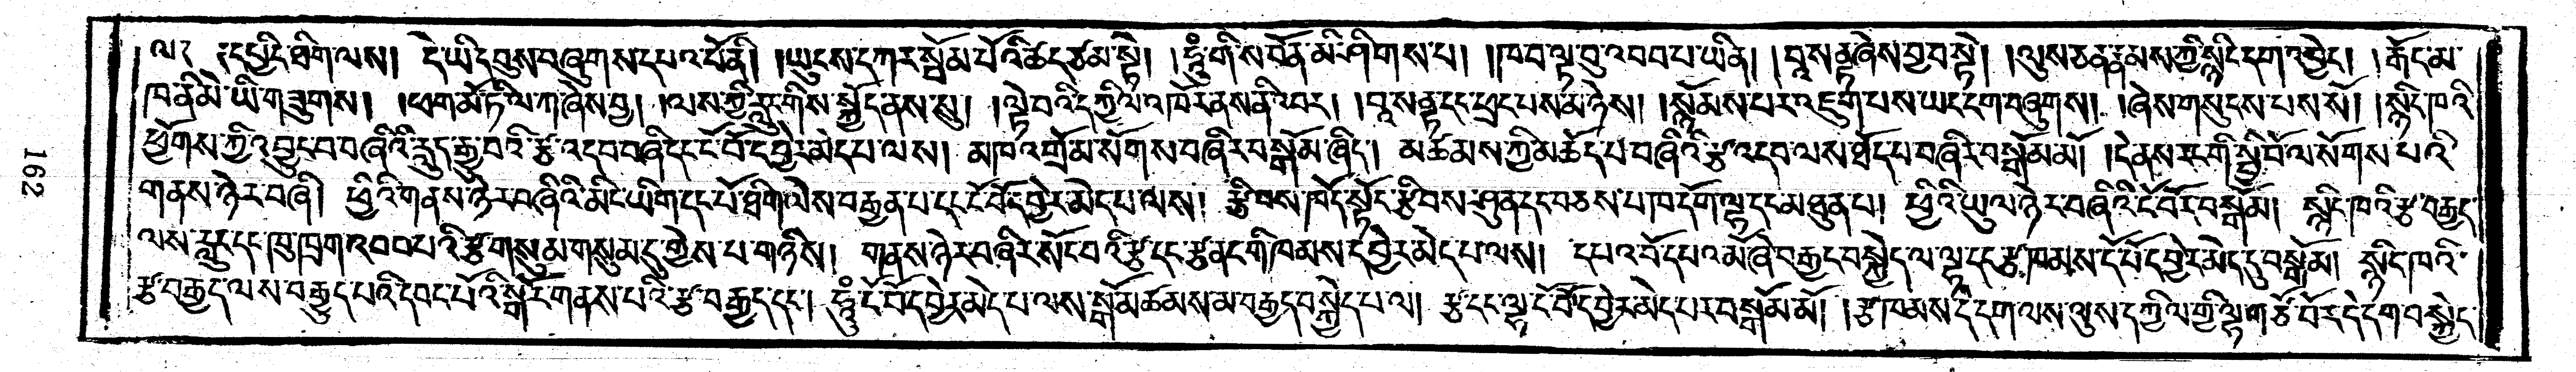ལ༑ ༑དཔྱིད་ཐིག་ལས། དེ་ཡི་དབུས་བཞུགས་དཔའ་བོ་ནི། །ཡུངས་དཀར་སྦོམ་པོའི་ཚད་ཙམ་སྟེ། །ཧཱུཾ་གི་ས་བོན་མི་ཤིགས་པ། །ཁ་བ་ལྟ་བུ་འབབ་པ་ཡིན། །བཱ་སནྟ་ཞེས་བྱ་བ་སྟེ། །ལུས་ཅན་རྣམས་ཀྱི་སྙིང་དག་འབྱེད། །རྒོད་མ་
ཁ་ནི་མེ་ཡི་གཟུགས། །ཕག་མོ་ཏི་ལ་ཀ་ཞེས་བྱ། །ལས་ཀྱི་རླུང་གིས་སྐྱོད་ནས་སུ། །ལྟེ་བའི་དཀྱིལ་འཁོར་ནས་ནི་འབར། །བཱ་སནྟ་དང་ཕྲད་པས་མ་ཉེས། །སྙོམས་པར་འཇུག་པས་ཡང་དག་བཞུགས། །ཞེས་གསུངས་པས་སོ། །སྙིང་ཁའི་
ཕྱོགས་ཀྱི་འབྱུང་བ་བཞིའི་རླུད་རྒྱུ་བའི་རྩ་འདབ་བཞི་དང་ངོ་བོ་དབྱེར་མེད་པ་ལས། མཁའ་གྲོ་མ་སོགས་བཞིར་བསྒོམ་ཞིད། མཚམས་ཀྱི་མཆོད་པ་བཞིའི་རྩ་འདབ་ལས་ཐོད་པ་བཞིར་བསྒོམ་མོ། །དེ་ནས་རང་གི་སྦྱི་བོ་ལ་སོགས་པའི་
གནས་ཉེར་བཞི། ཕྱིའི་གནས་ཉེར་བཞིའི་མིང་ཡིག་དང་པོ་ཐིག་ལེས་བརྒྱན་པ་དང་ངོ་བོ་དབྱེར་མེད་པ་ལས། རྩིབས་ཁོད་སྟོང་རྩིབས་ཤུན་དང་བཅས་པ་ཁ་དོག་ལྷ་དང་མཐུན་པ། ཕྱིའི་ཡུལ་ཉེར་བཞིའི་ངོ་བོར་བསྒོམ། སྙིང་ཁའི་རྩ་བརྒྱད་
ལས་རླུང་དང་ཁུ་ཁྲག་འབབ་པའི་རྩ་གསུམ་གསུམ་དུ་གྱེས་པ་གཉིས། གནས་ཉེར་བཞིར་སོང་བའི་རྩ་དང་རྩ་ནང་གི་ཁམས་དབྱེར་མེད་པ་ལས། དཔའ་བོ་དཔའ་མོ་ཞེ་བརྒྱད་བསྐྱེད་ལ་ལྷ་དང་རྩ་ཁམས་དོ་པོ་དབྱེར་མེད་དུ་བསྒོམ། སྙིང་ཁའི་
རྩ་བརྒྱད་ལས་བརྒྱུད་པའི་དབང་པོའི་སྒོར་གནས་པའི་རྩ་བརྒྱད་དང་། ཧཱུཾ་ངོ་བོ་དབྱེར་མེད་པ་ལས་སྒོ་མཚམས་མ་བརྒྱད་བསྐྱེད་པ་ལ། རྩ་དང་ལྷ་ངོ་བོ་དབྱེར་མེད་པར་བསྒོམ་མོ། །རྩ་ཁམས་དེ་དག་ལས་ལུས་དཀྱིལ་གྱི་ལྷ་གཙོ་བོར་དེ་དག་བསྐྱེད་